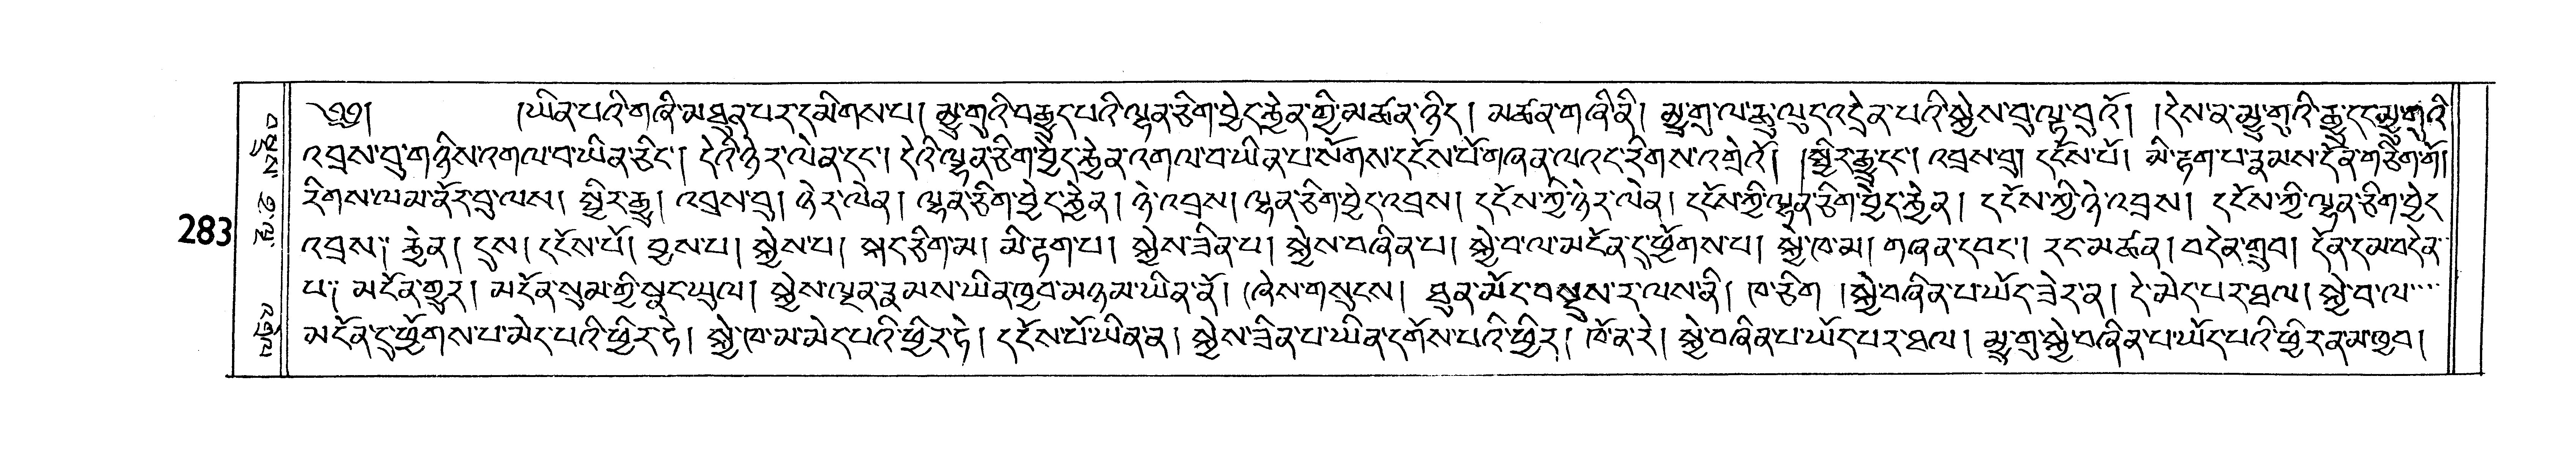༄༅། །ཡིན་པའི་གཞི་མཐུན་པར་དམིགས་པ། མྱུ་གུའི་བརྒྱུད་པའི་ལྷན་ཅིག་བྱེད་རྐྱེན་གྱི་མཚན་ཉིད། མཚན་གཞི་ནི། མྱུ་གུ་ལ་ཆུ་ལུད་འདྲེན་པའི་སྐྱེས་བུ་ལྟ་བུའོ། །དེས་ན་མྱུ་གུའི་རྒྱུ་དང་མྱུ་གུའི་
འབྲས་བུ་གཉིས་འགལ་བ་ཡིན་ཅིང་། དེའི་ཉེར་ལེན་དང་། དེའི་ལྷན་ཅིག་བྱེད་རྐྱེན་འགལ་བ་ཡིན་པ་སོགས་དངོས་པོ་གཞན་ལའང་རིགས་འགྲེའོ། །སྤྱིར་རྒྱུ་དང་། འབྲས་བུ། དངོས་པོ། མི་རྟག་པ་རྣམས་དོན་གཅིག་གོ།
རིགས་ལམ་ནོར་བུ་ལས། སྤྱིར་རྒྱུ། འབྲས་བུ། ཉེར་ལེན། ལྷན་ཅིག་བྱེད་རྐྱེན། ཉེ་འབྲས། ལྷན་ཅིག་བྱེད་འབྲས། དངོས་ཀྱི་ཉེར་ལེན། དངོས་ཀྱི་ལྷན་ཅིག་བྱེད་རྐྱེན། དངོས་ཀྱི་ཉེ་འབྲས། དངོས་ཀྱི་ལྷན་ཅིག་བྱེད་
འབྲས༑ རྐྱེན། དུས། དངོས་པོ། བྱས་པ། སྐྱེས་པ། སྐད་ཅིག་མ། མི་རྟག་པ། སྐྱེས་ཟིན་པ། སྐྱེས་བཞིན་པ། སྐྱེ་བ་ལ་མངོན་དུ་ཕྱོགས་པ། སྐྱེ་ཁ་མ། གཞན་དབང་། རང་མཚན། བདེན་གྲུབ། དོན་དམ་བདེན་
པ༑ མངོན་གྱུར། མངོན་སུམ་གྱི་སྣང་ཡུལ། སྐྱེས་ལྡན་རྣམས་ཡིན་ཁྱབ་མཉམ་ཡིན་ནོ། །ཞེས་གསུངས། ཐུན་མོང་བསྡུས་ར་ལས་ནི། ཁ་ཅིག །སྐྱེ་བཞིན་པ་ཡོད་ཟེར་ན། དེ་མེད་པར་ཐལ། སྐྱེ་བ་ལ་
མངོན་དུ་ཕྱོགས་པ་མེད་པའི་ཕྱིར་ཏེ། སྐྱེ་ཁ་མ་མེད་པའི་ཕྱིར་ཏེ། དངོས་པོ་ཡིན་ན། སྐྱེས་ཟིན་པ་ཡིན་དགོས་པའི་ཕྱིར། ཁོ་ན་རེ། སྐྱེ་བཞིན་པ་ཡོད་པར་ཐལ། མྱུ་གུ་སྐྱེ་བཞིན་པ་ཡོད་པའི་ཕྱིར་ནམ་ཁྱབ།